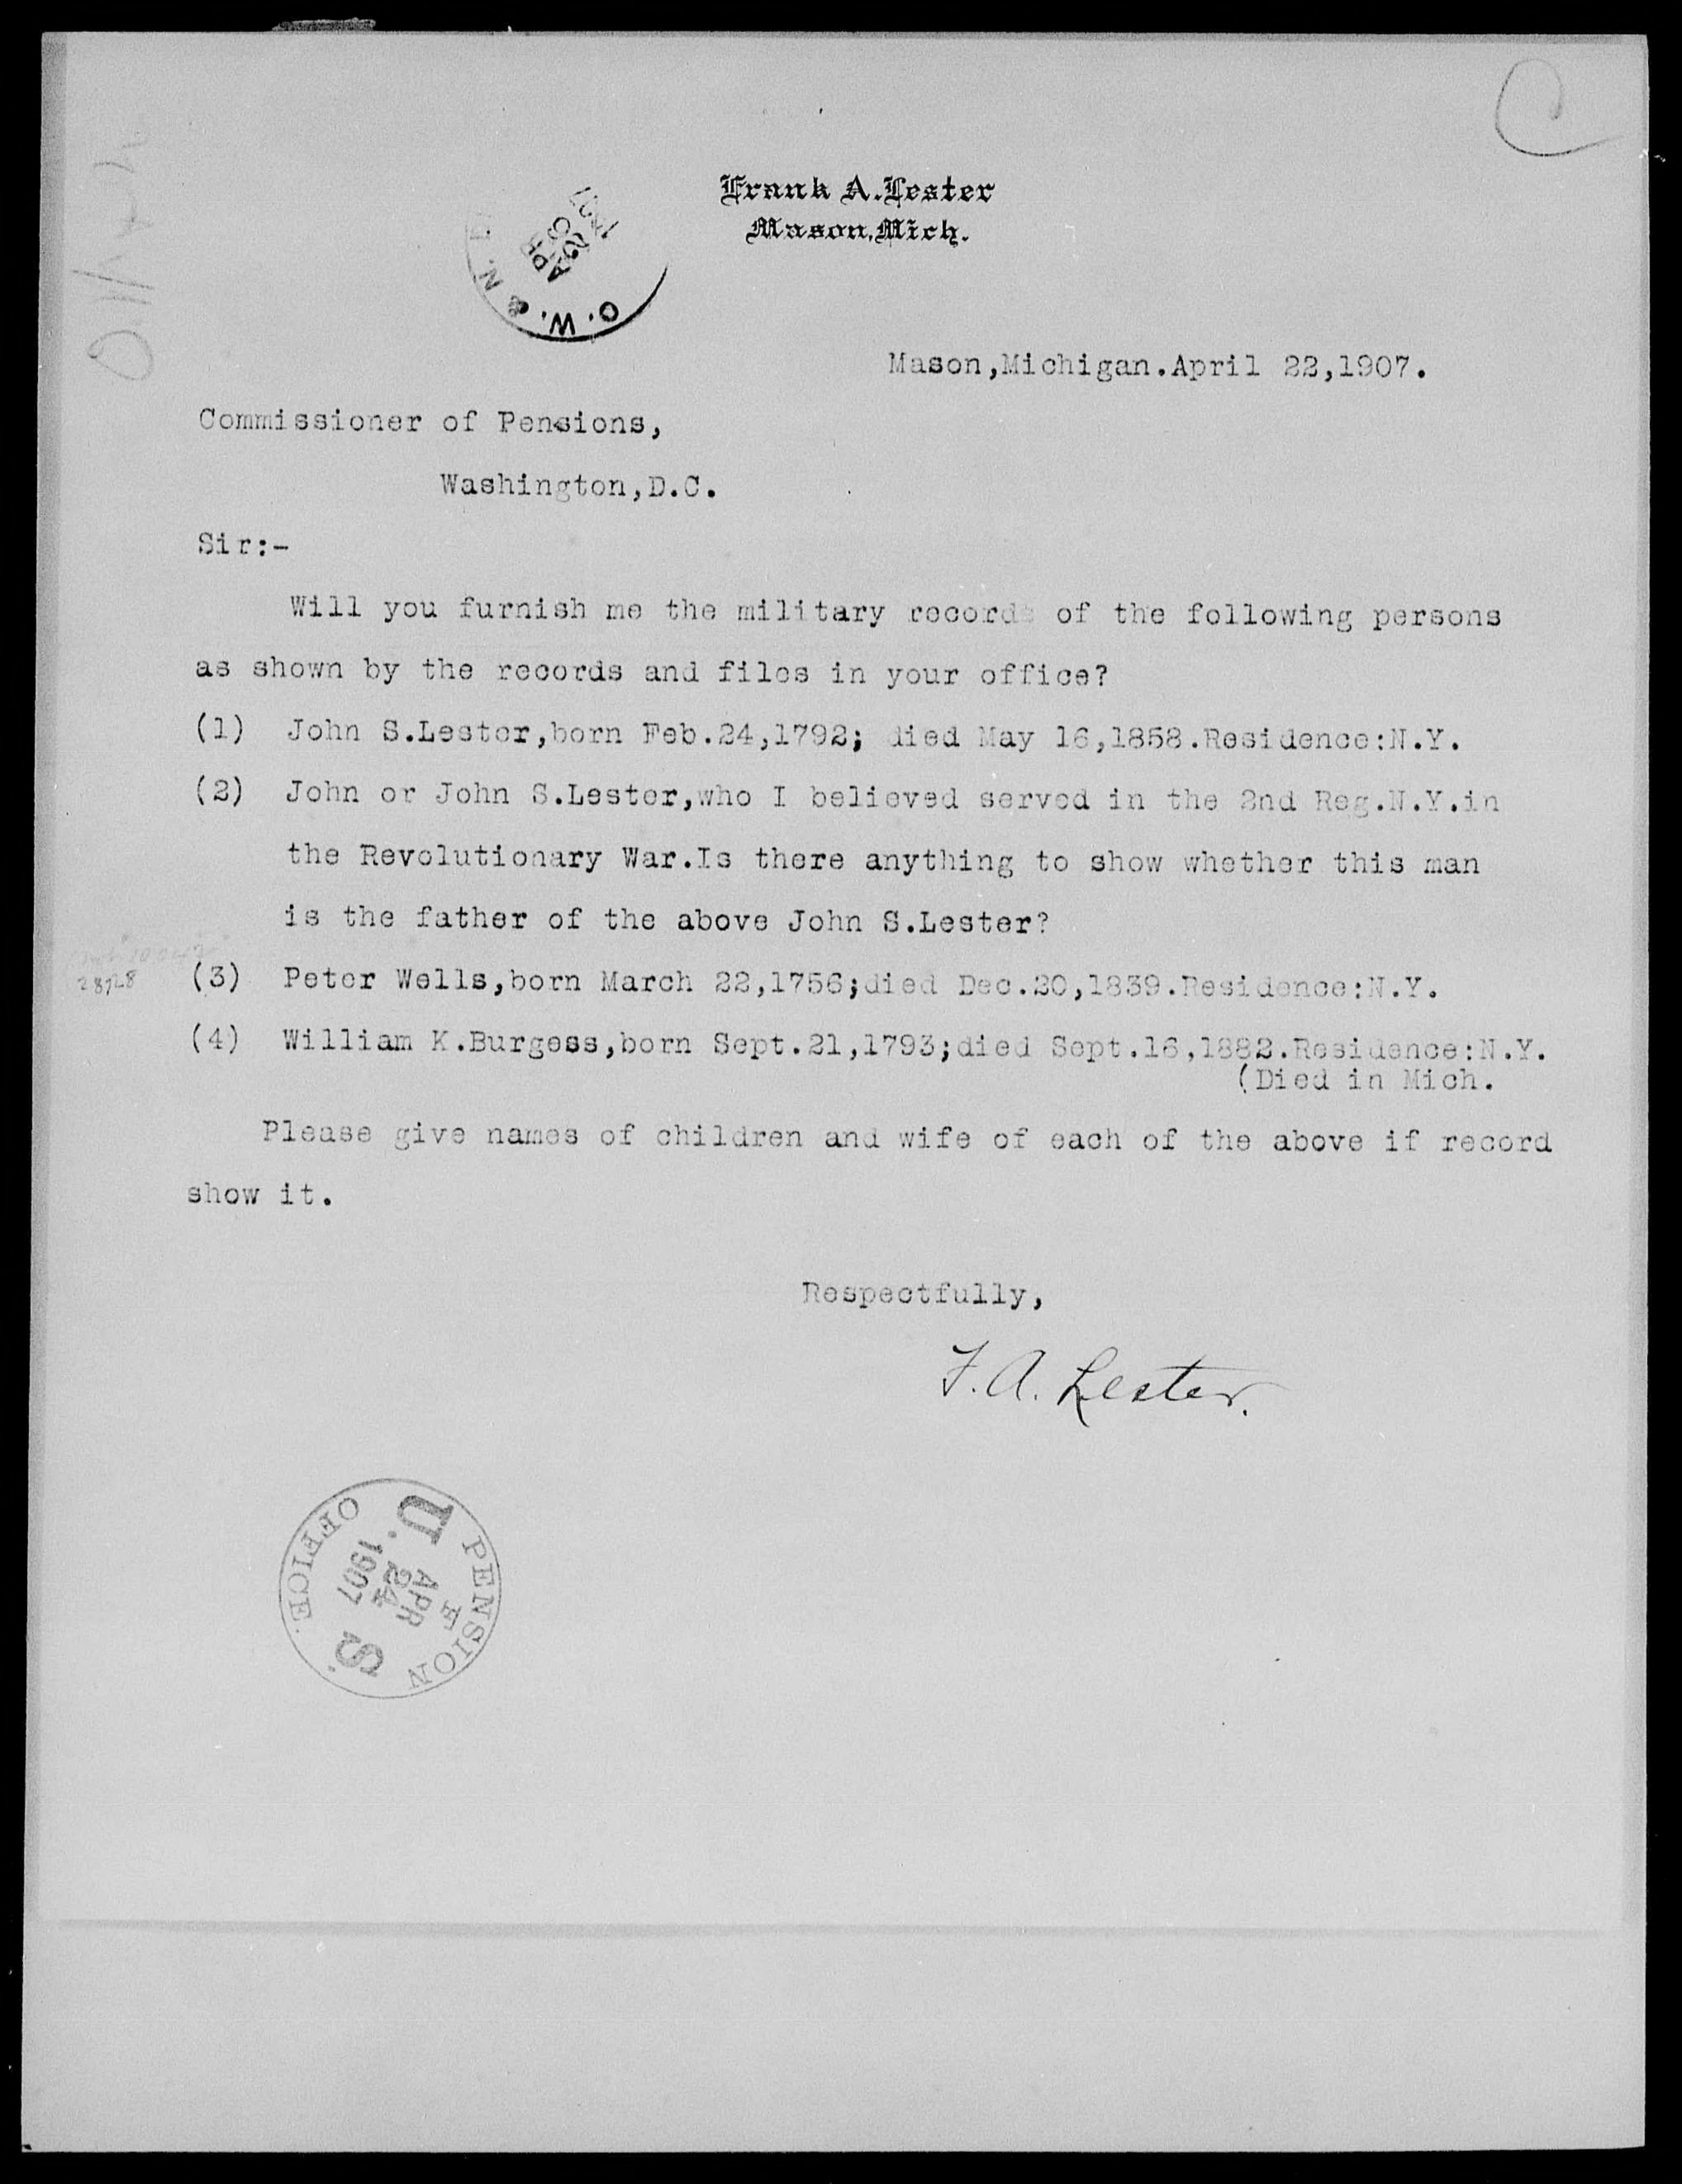[postmark] O.W.N. DIV. APR 26 1907

Frank A. Lester
Mason, Mich.
Mason, Michigan. April 22, 1907.

Commissioner of Pensions, 
Washington, D. C. 
Sir: -- 
Will you furnish me the military records of the following persons as shown by the records and files in your office? 
(1) John S. Lester, born Feb. 24, 1792; died May 16, 1858. Residence: N.Y. 
(2) John or John S. Lester, who I believed served in the 2nd Reg. N.Y. in the Revolutionary War. Is there anything to show whether this man is the father of the above John S. Lester? 
(3) Peter Wells, born March 22, 1756; died Dec. 20, 1839. Residence: N.Y. 
(4) William K. Burgess, born Sept. 21, 1793; died Sept. 16, 1882. Residence: N.Y. (Died in Mich. 
Please give names of children and wife of each of the above if record show it. 
Respectfully, 
F. A. Lester

[postmark] U.S. PENSON OFFICE F APR 24 1907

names: John S Lester; Frank A Lester; Peter Wells; William K Burgess; John Lester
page: 11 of 14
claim: survivor's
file: S. 42844, for John Lester, New York